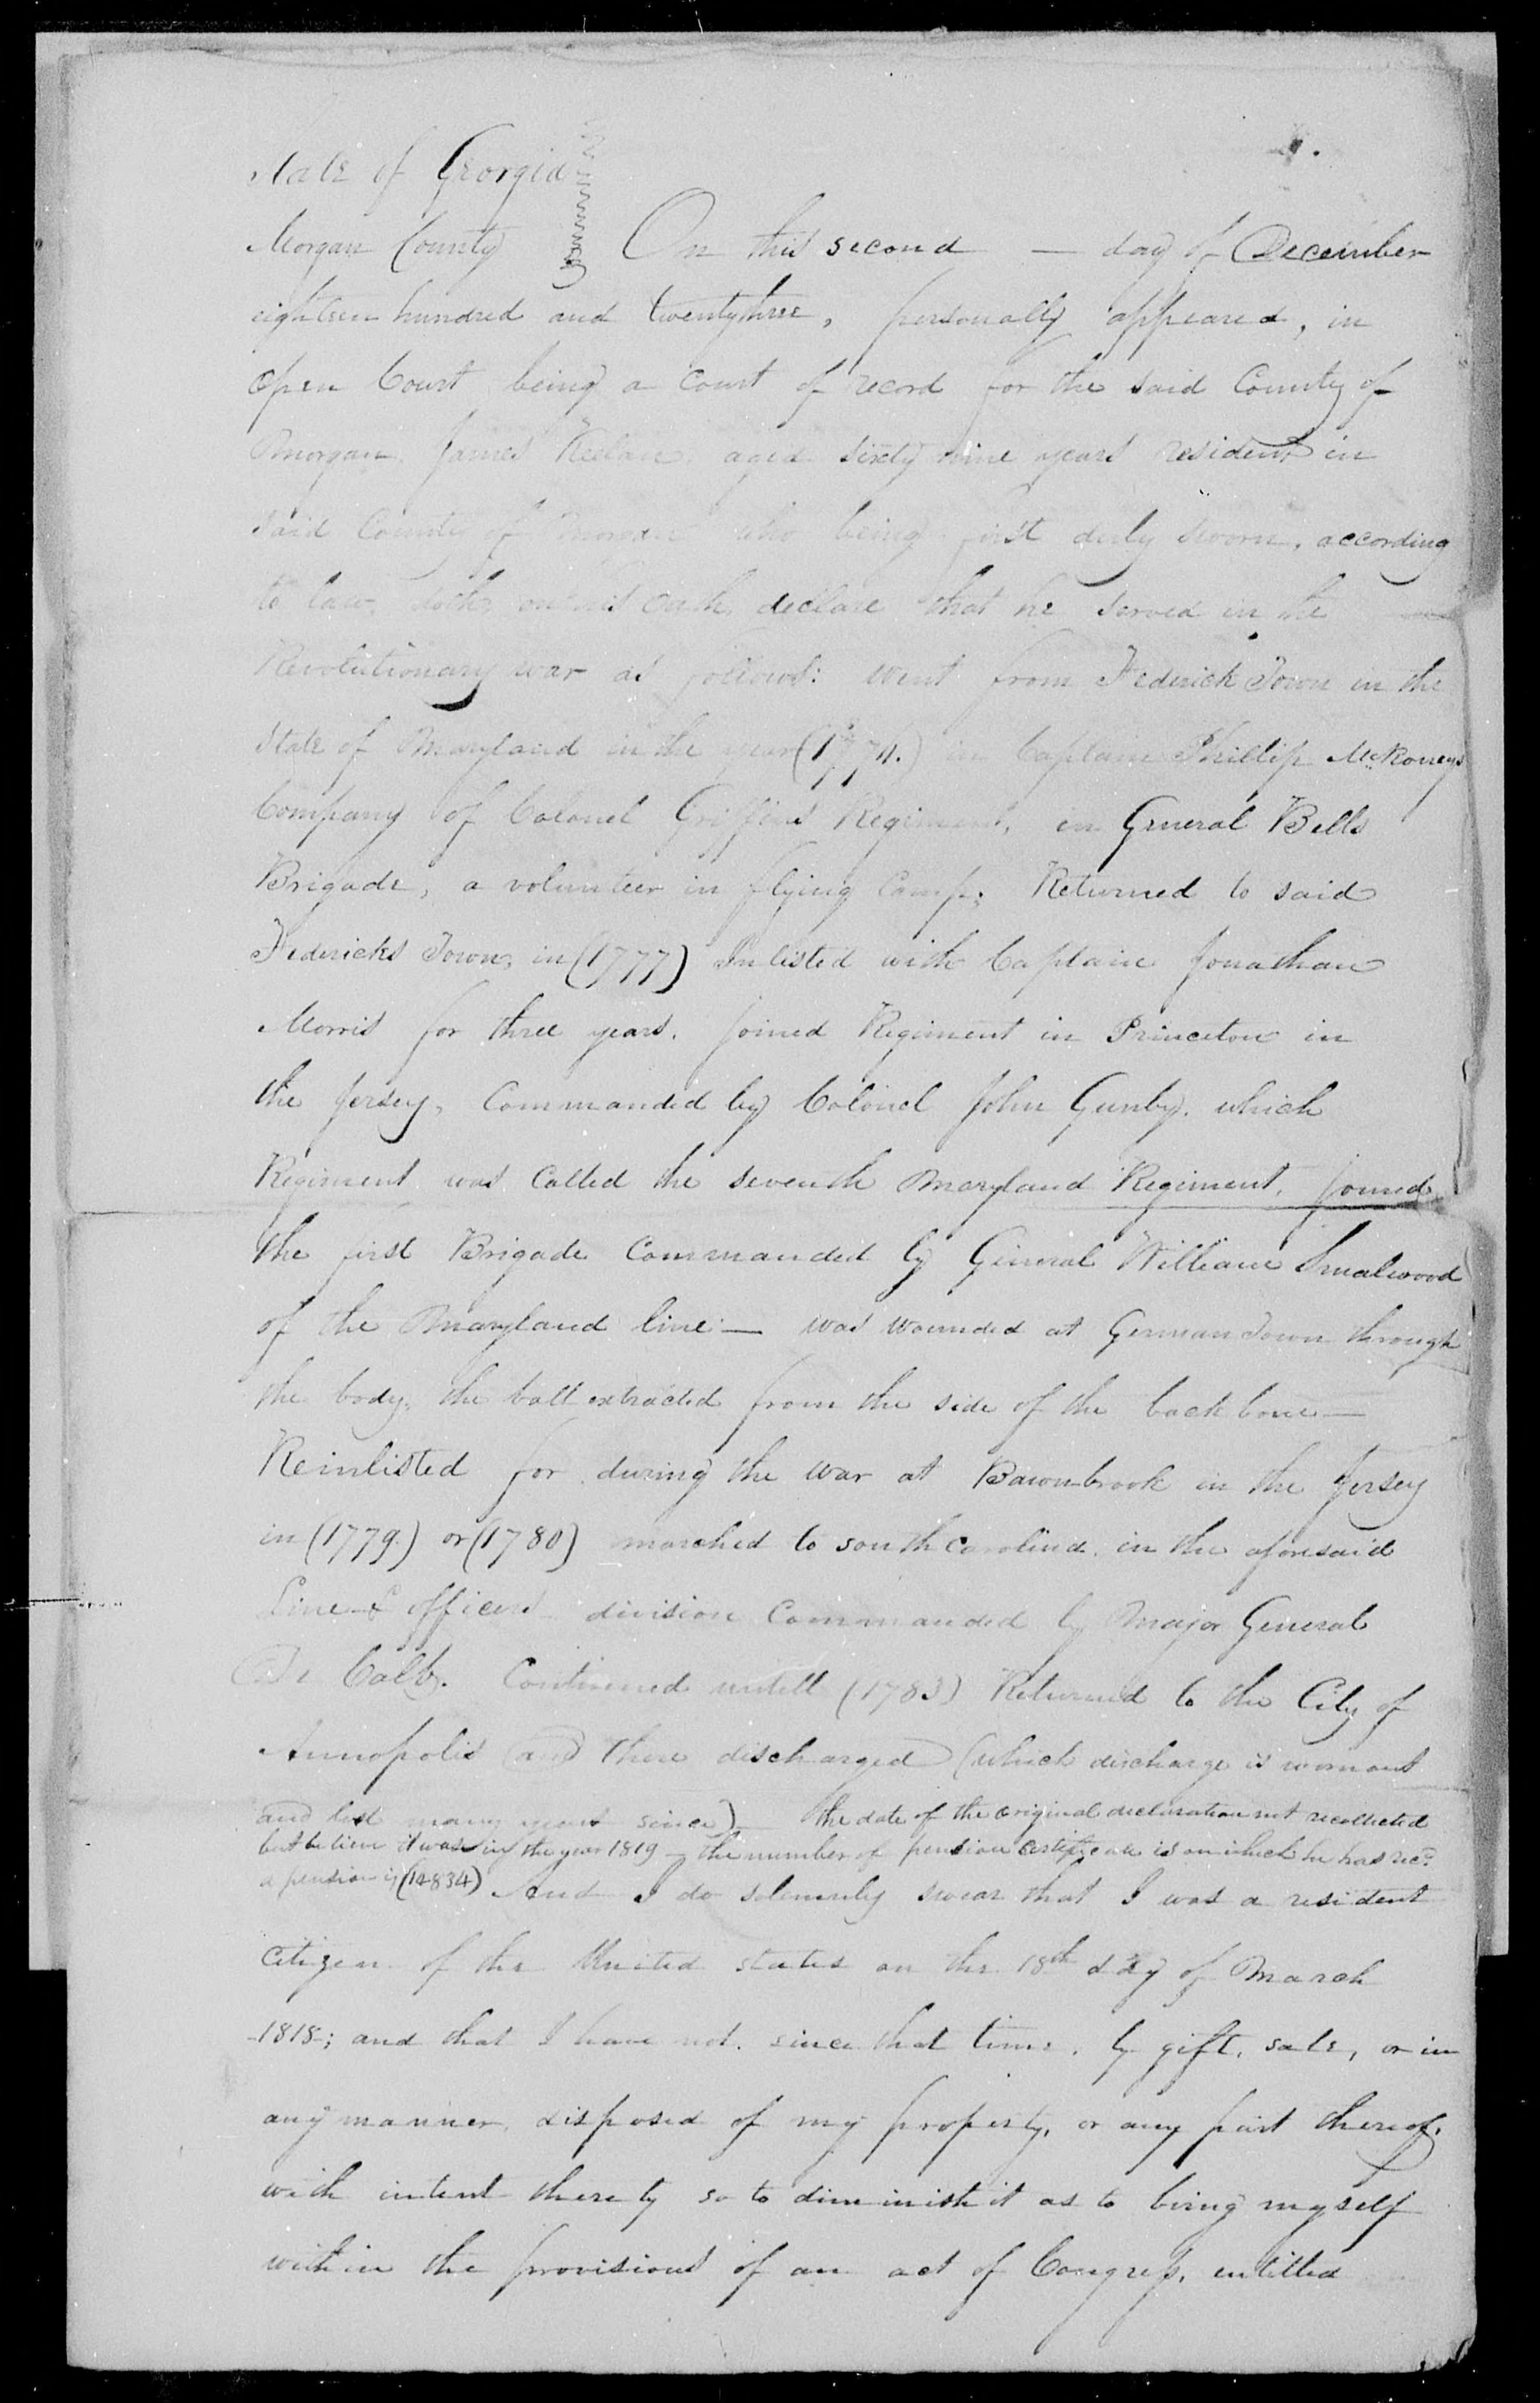State of Georgia
Morgan County ⎬ On this second day of December
eighteen hundred and twenty three, personally appeared, in open Court being a Court of record for the said County of Morgan James Keelan aged sixty nine years resident in
said County of Morgan who being first duly sworn, according to law doth on his oath declare that he served in the Revolutionary war as follows: Went from Federick Town in the
State of Maryland in the year (1774) in Captain Phillip McRoueys Company of Colonel Criffins Regiment in General Bells Brigade, a volunteer in flying Camp. Returned to said
Fredericks Town; in (1777) Inlisted [sic] with Captain Jonathan Morris for three years. Joined Regiment in Princeton in the Jersey, Commanded by Colonel John Gunby, which
Regiment was called the seventh Maryland Regiment, found the first Brigade commanded by General William Smallwood of the Maryland line-- was wounded at German Town through
the body, the ball extracted from the side of the back bone. Reinlisted for during the war at Baronbrook [Bound Brook] in the Jersey in (1779) or (1780) marched to South Carolina in the aforesaid line of officers division Commanded by Major General De Calb. Continued untill (1783) Returned to the City of Annapolis and there discharged (which discharge is worn and and list many years since) the date of the original declaration not recollected but believe it was in the year 1819 the number of pension certificate is on which he has rec'd a pension (14834) And I do solemnly swear that I was a resident citizen of the United States on the 18th day of March
1818; and that I have not since that time by gift, sale, or in any manner disposed of my property, or any part thereof with intent thereby so to diminish it as to bring myself
within the provisions of an act of Congress, entitled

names: John Gunby; William Smalwood; James Keelan; Jonathan Morris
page: 12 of 16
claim: survivor's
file: S. 38110, for James Keelan, Maryland